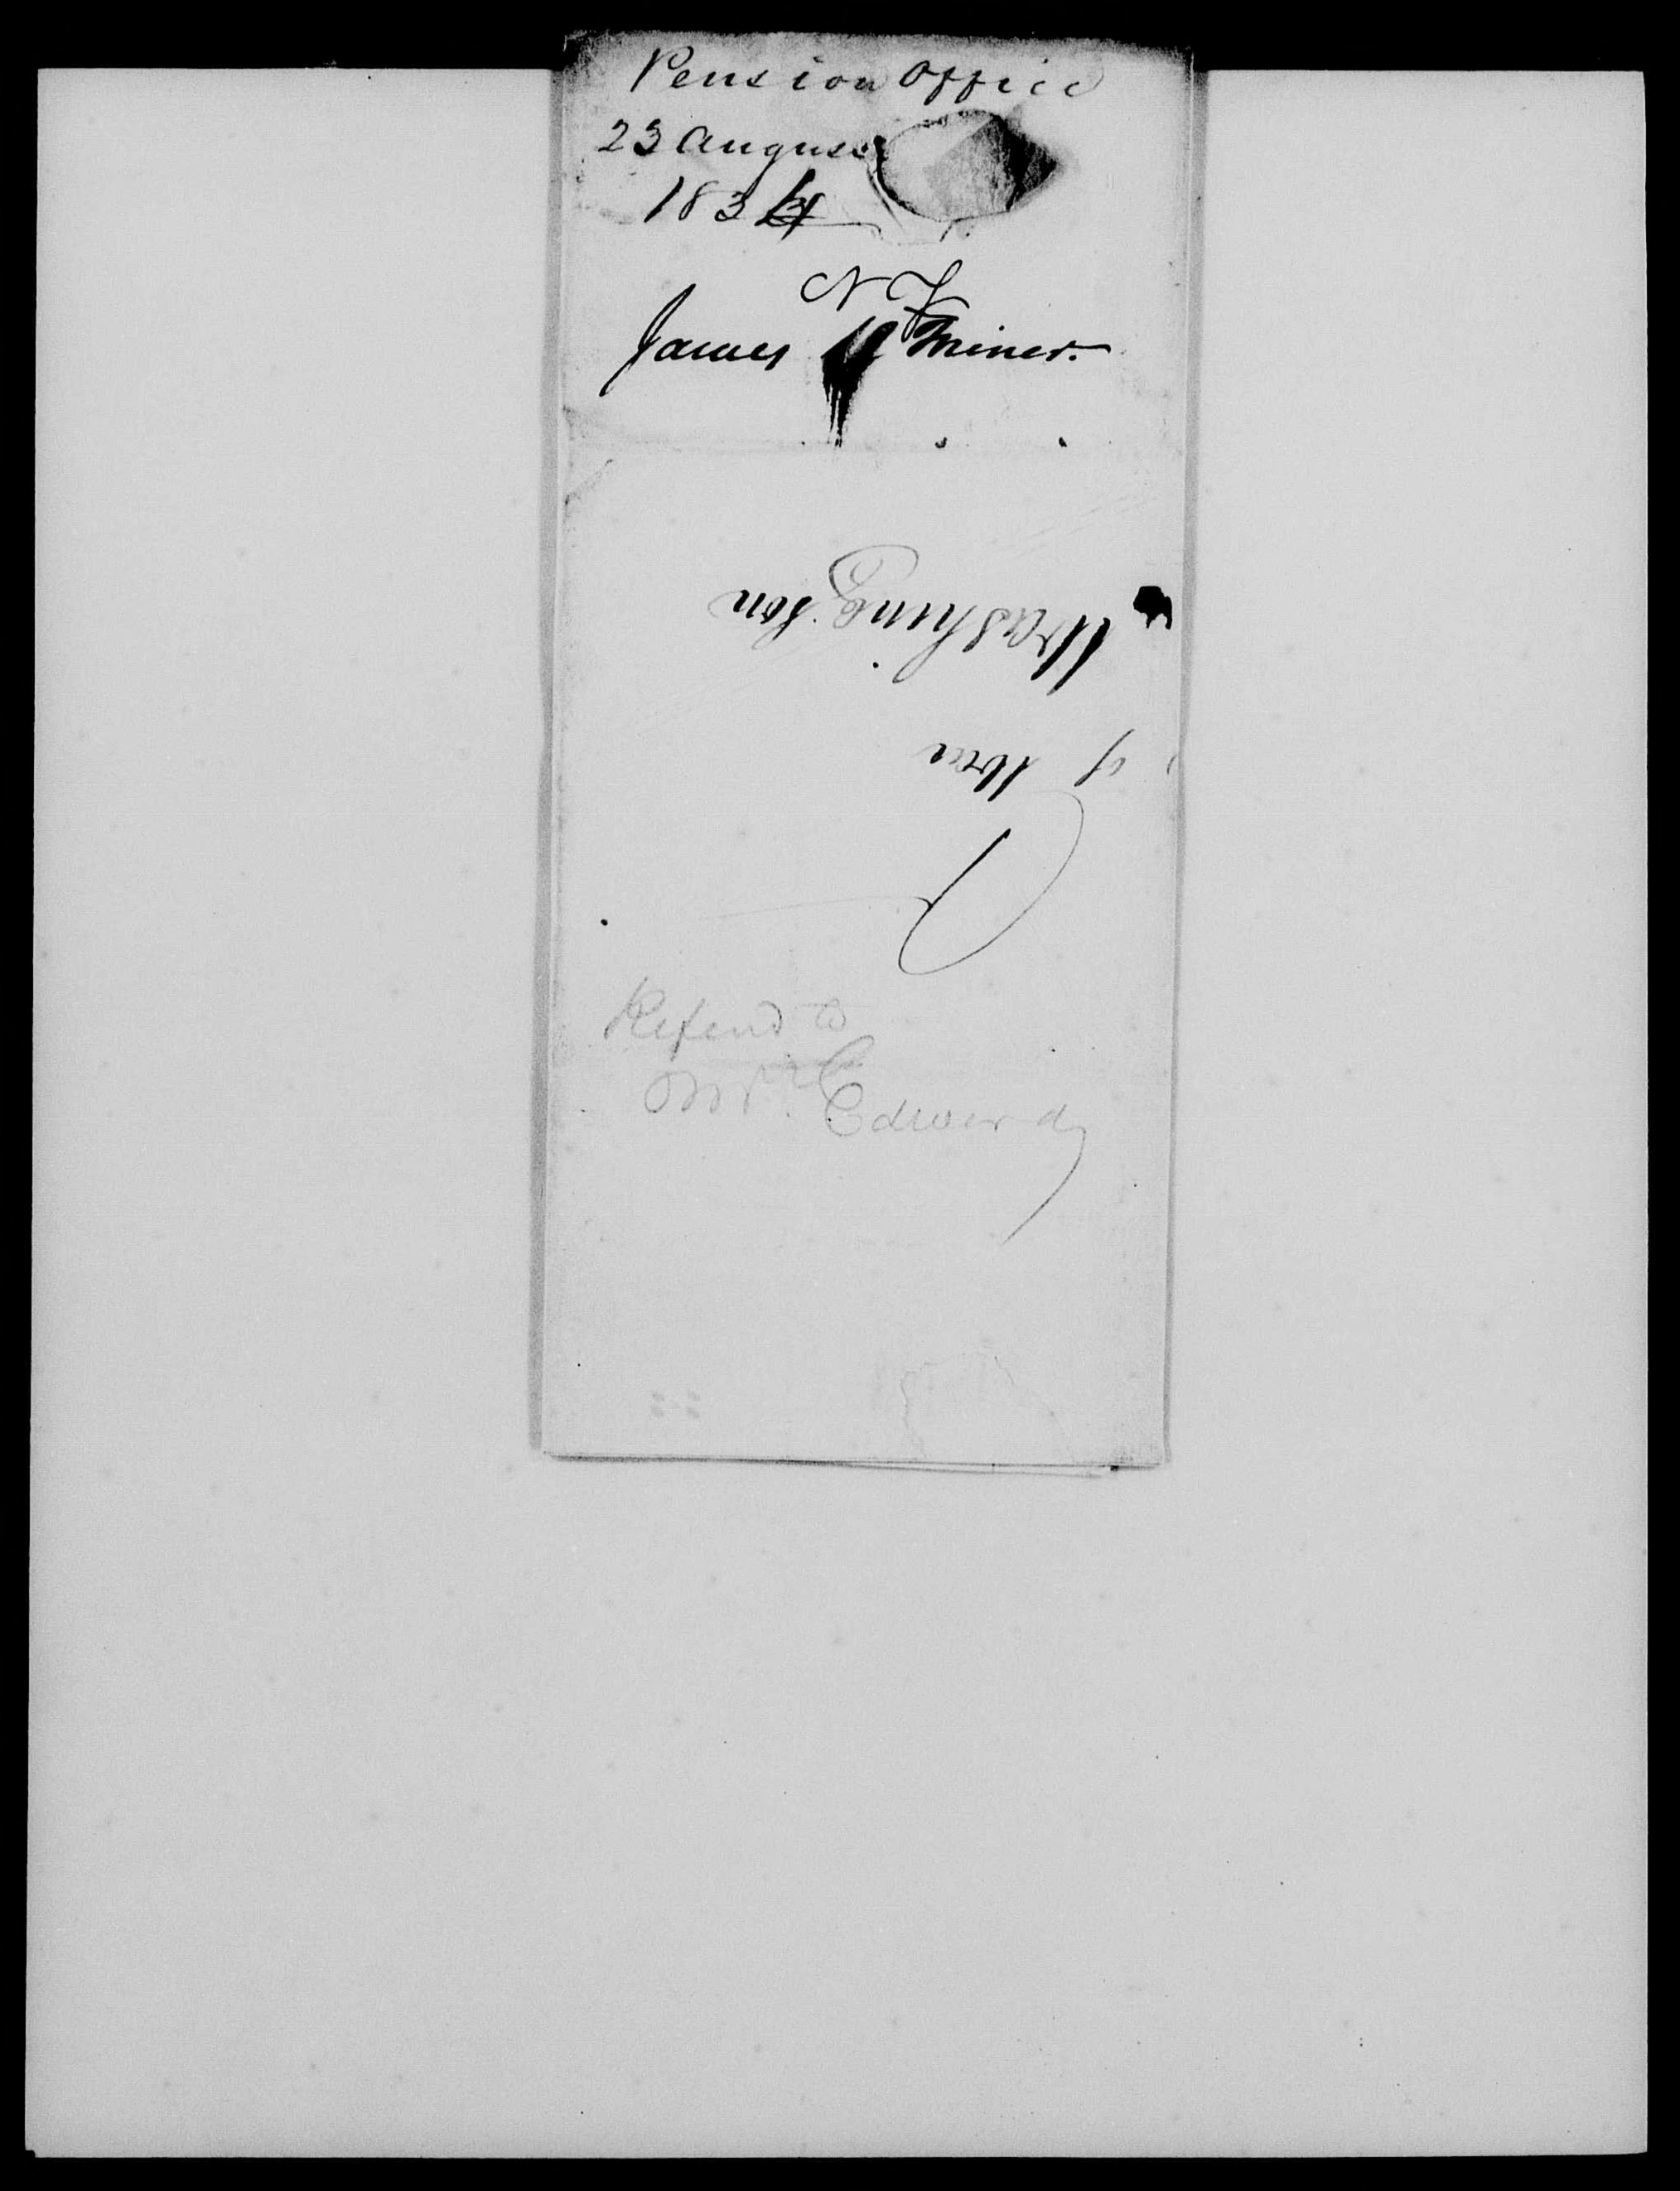Pension Office 
23 August
1834
N J
James Miner
of war Washington
Referd to Mr. Edward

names: James Miner; [BLANK] Edwards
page: 32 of 39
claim: survivor's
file: S. 23802, for James Miner, Connecticut